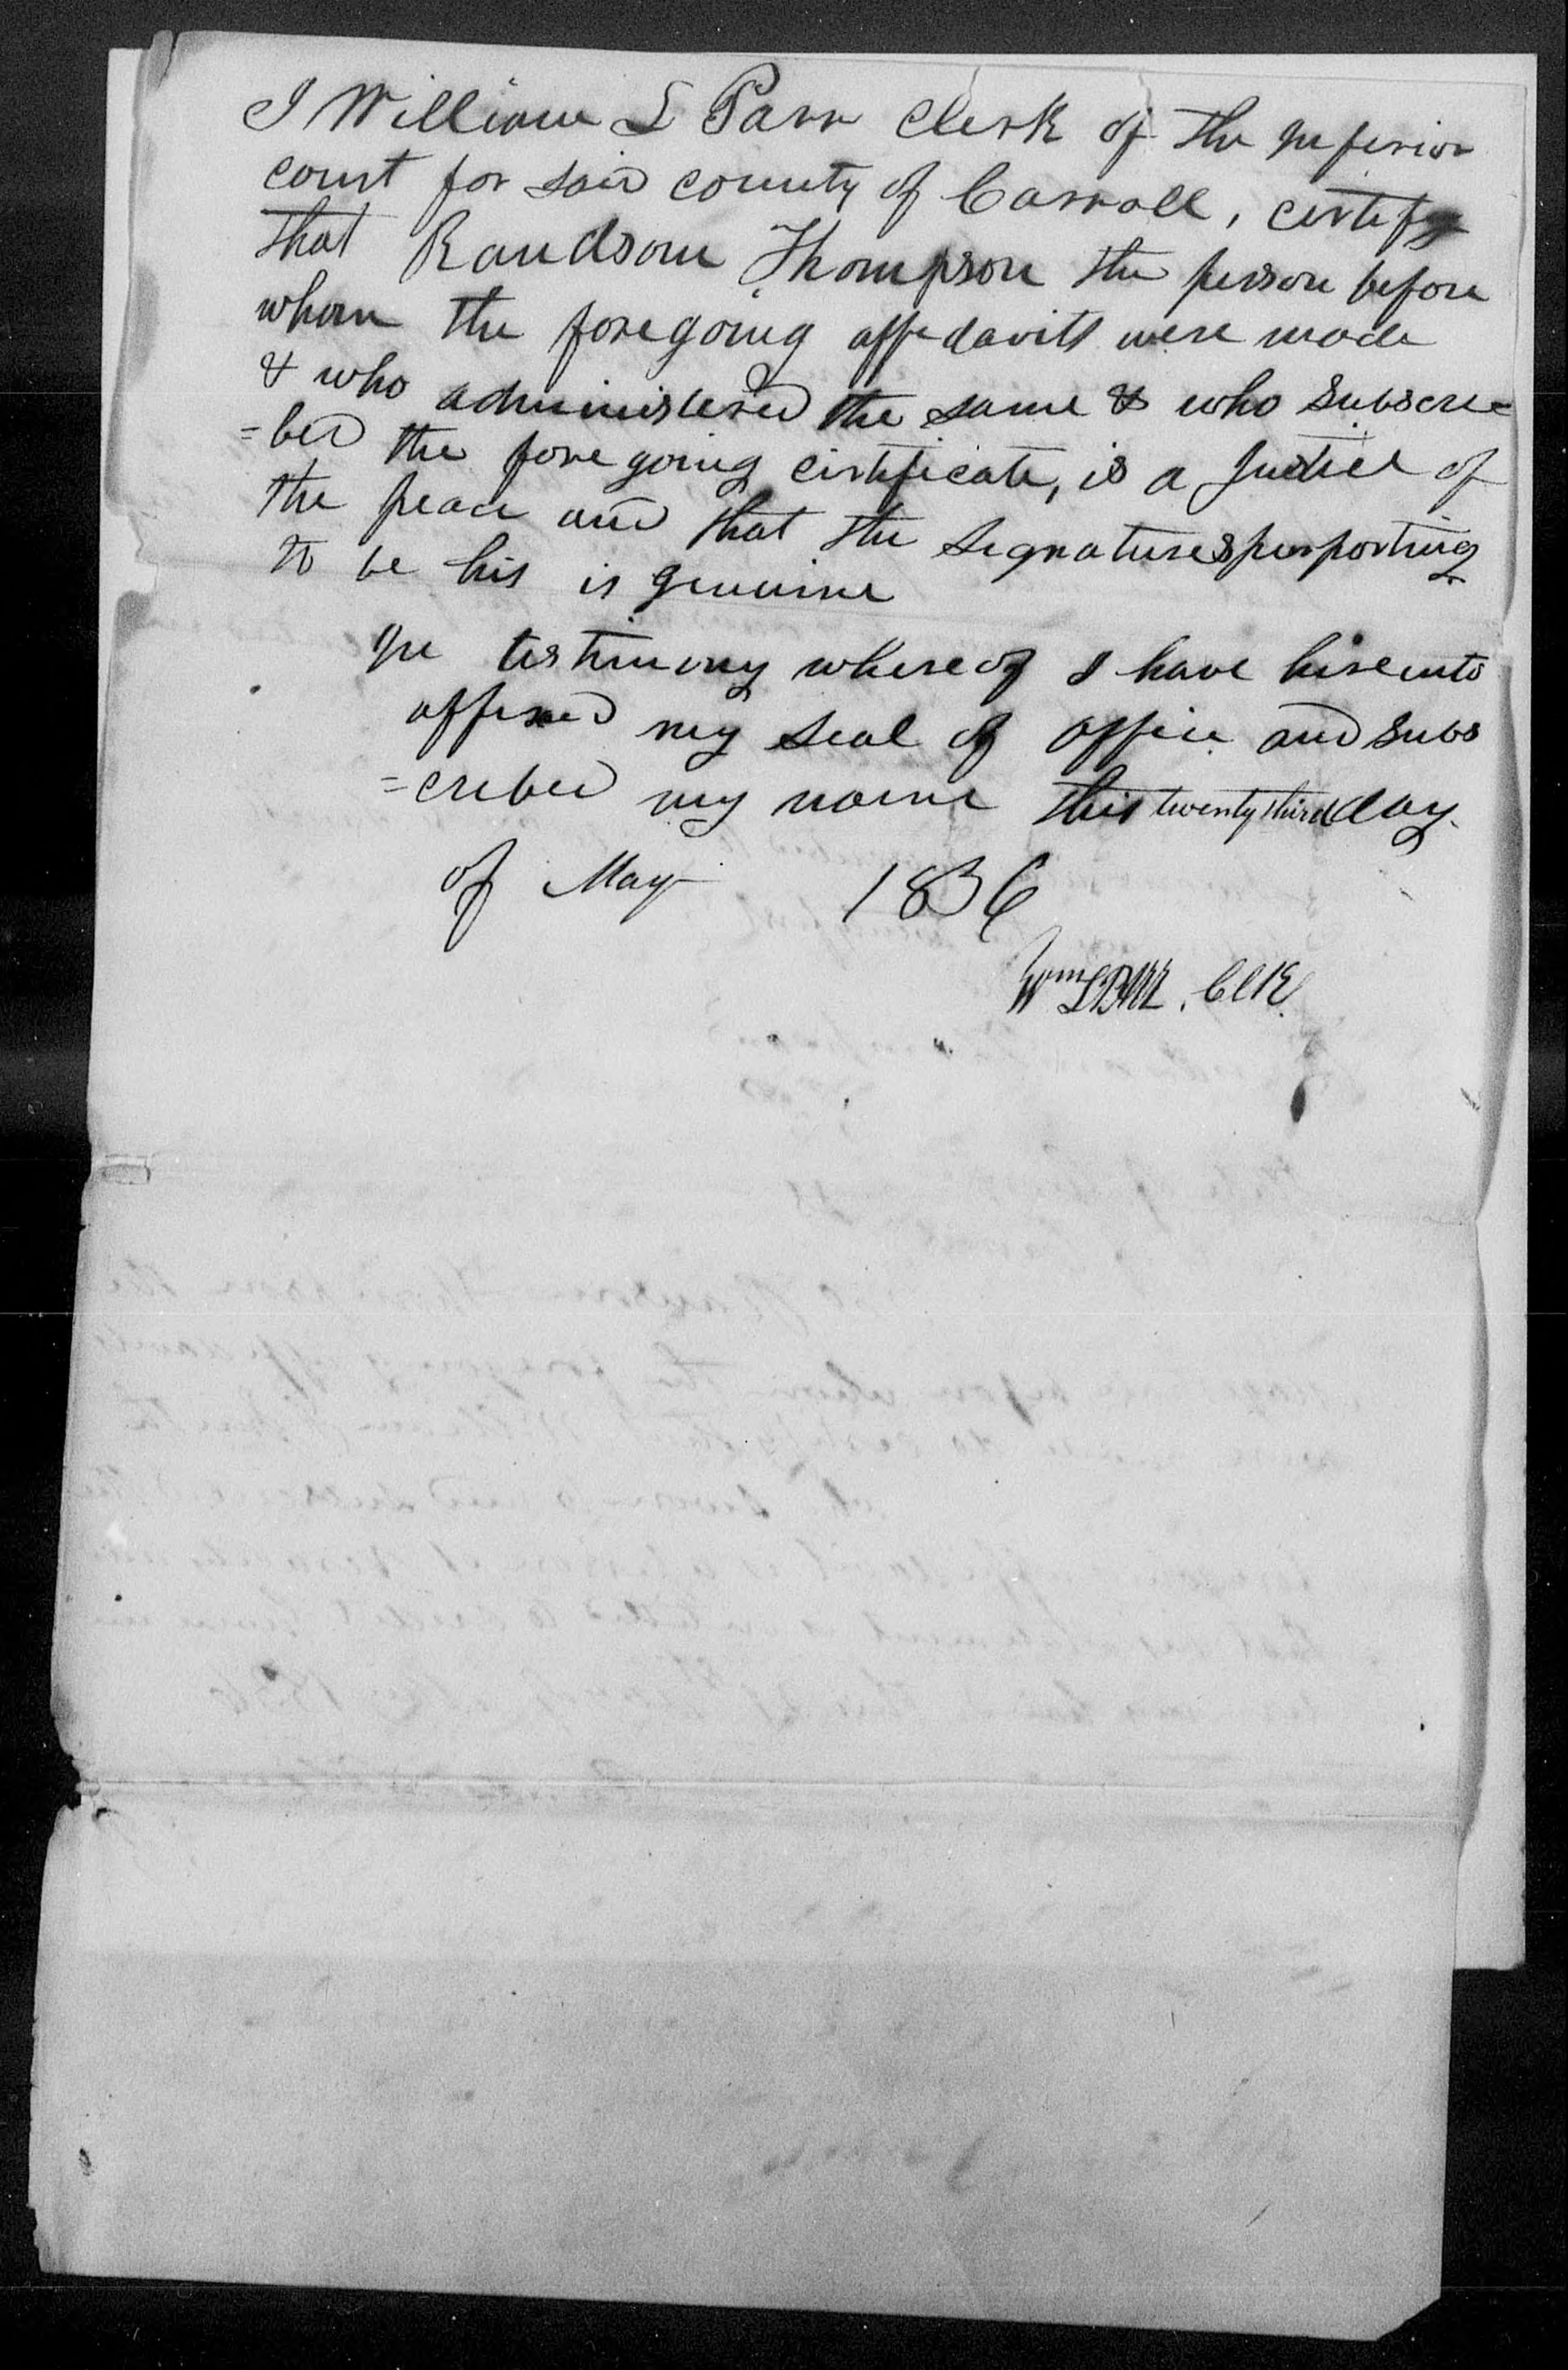I William L Parr Clerk of the Superior court for Said County of Carroll, certify that Randsom Thompson the person before whom the foregoing affidavits were made & who administered the same & who Subscribed the foregoing cirtificate[sp], is a Justice of the peace and that the Signatures purporting to be his Is Genuine

In testimony whereof I have hereunto affixed my Seal of office and Subscribed my name this twenty third day of May 1836

Wm L Parr, Cl/E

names: Wm L Parr, Randsom Thompson, William L Parr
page: 25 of 42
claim: survivor's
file: S. 31,595, John Carmickele, Penn.